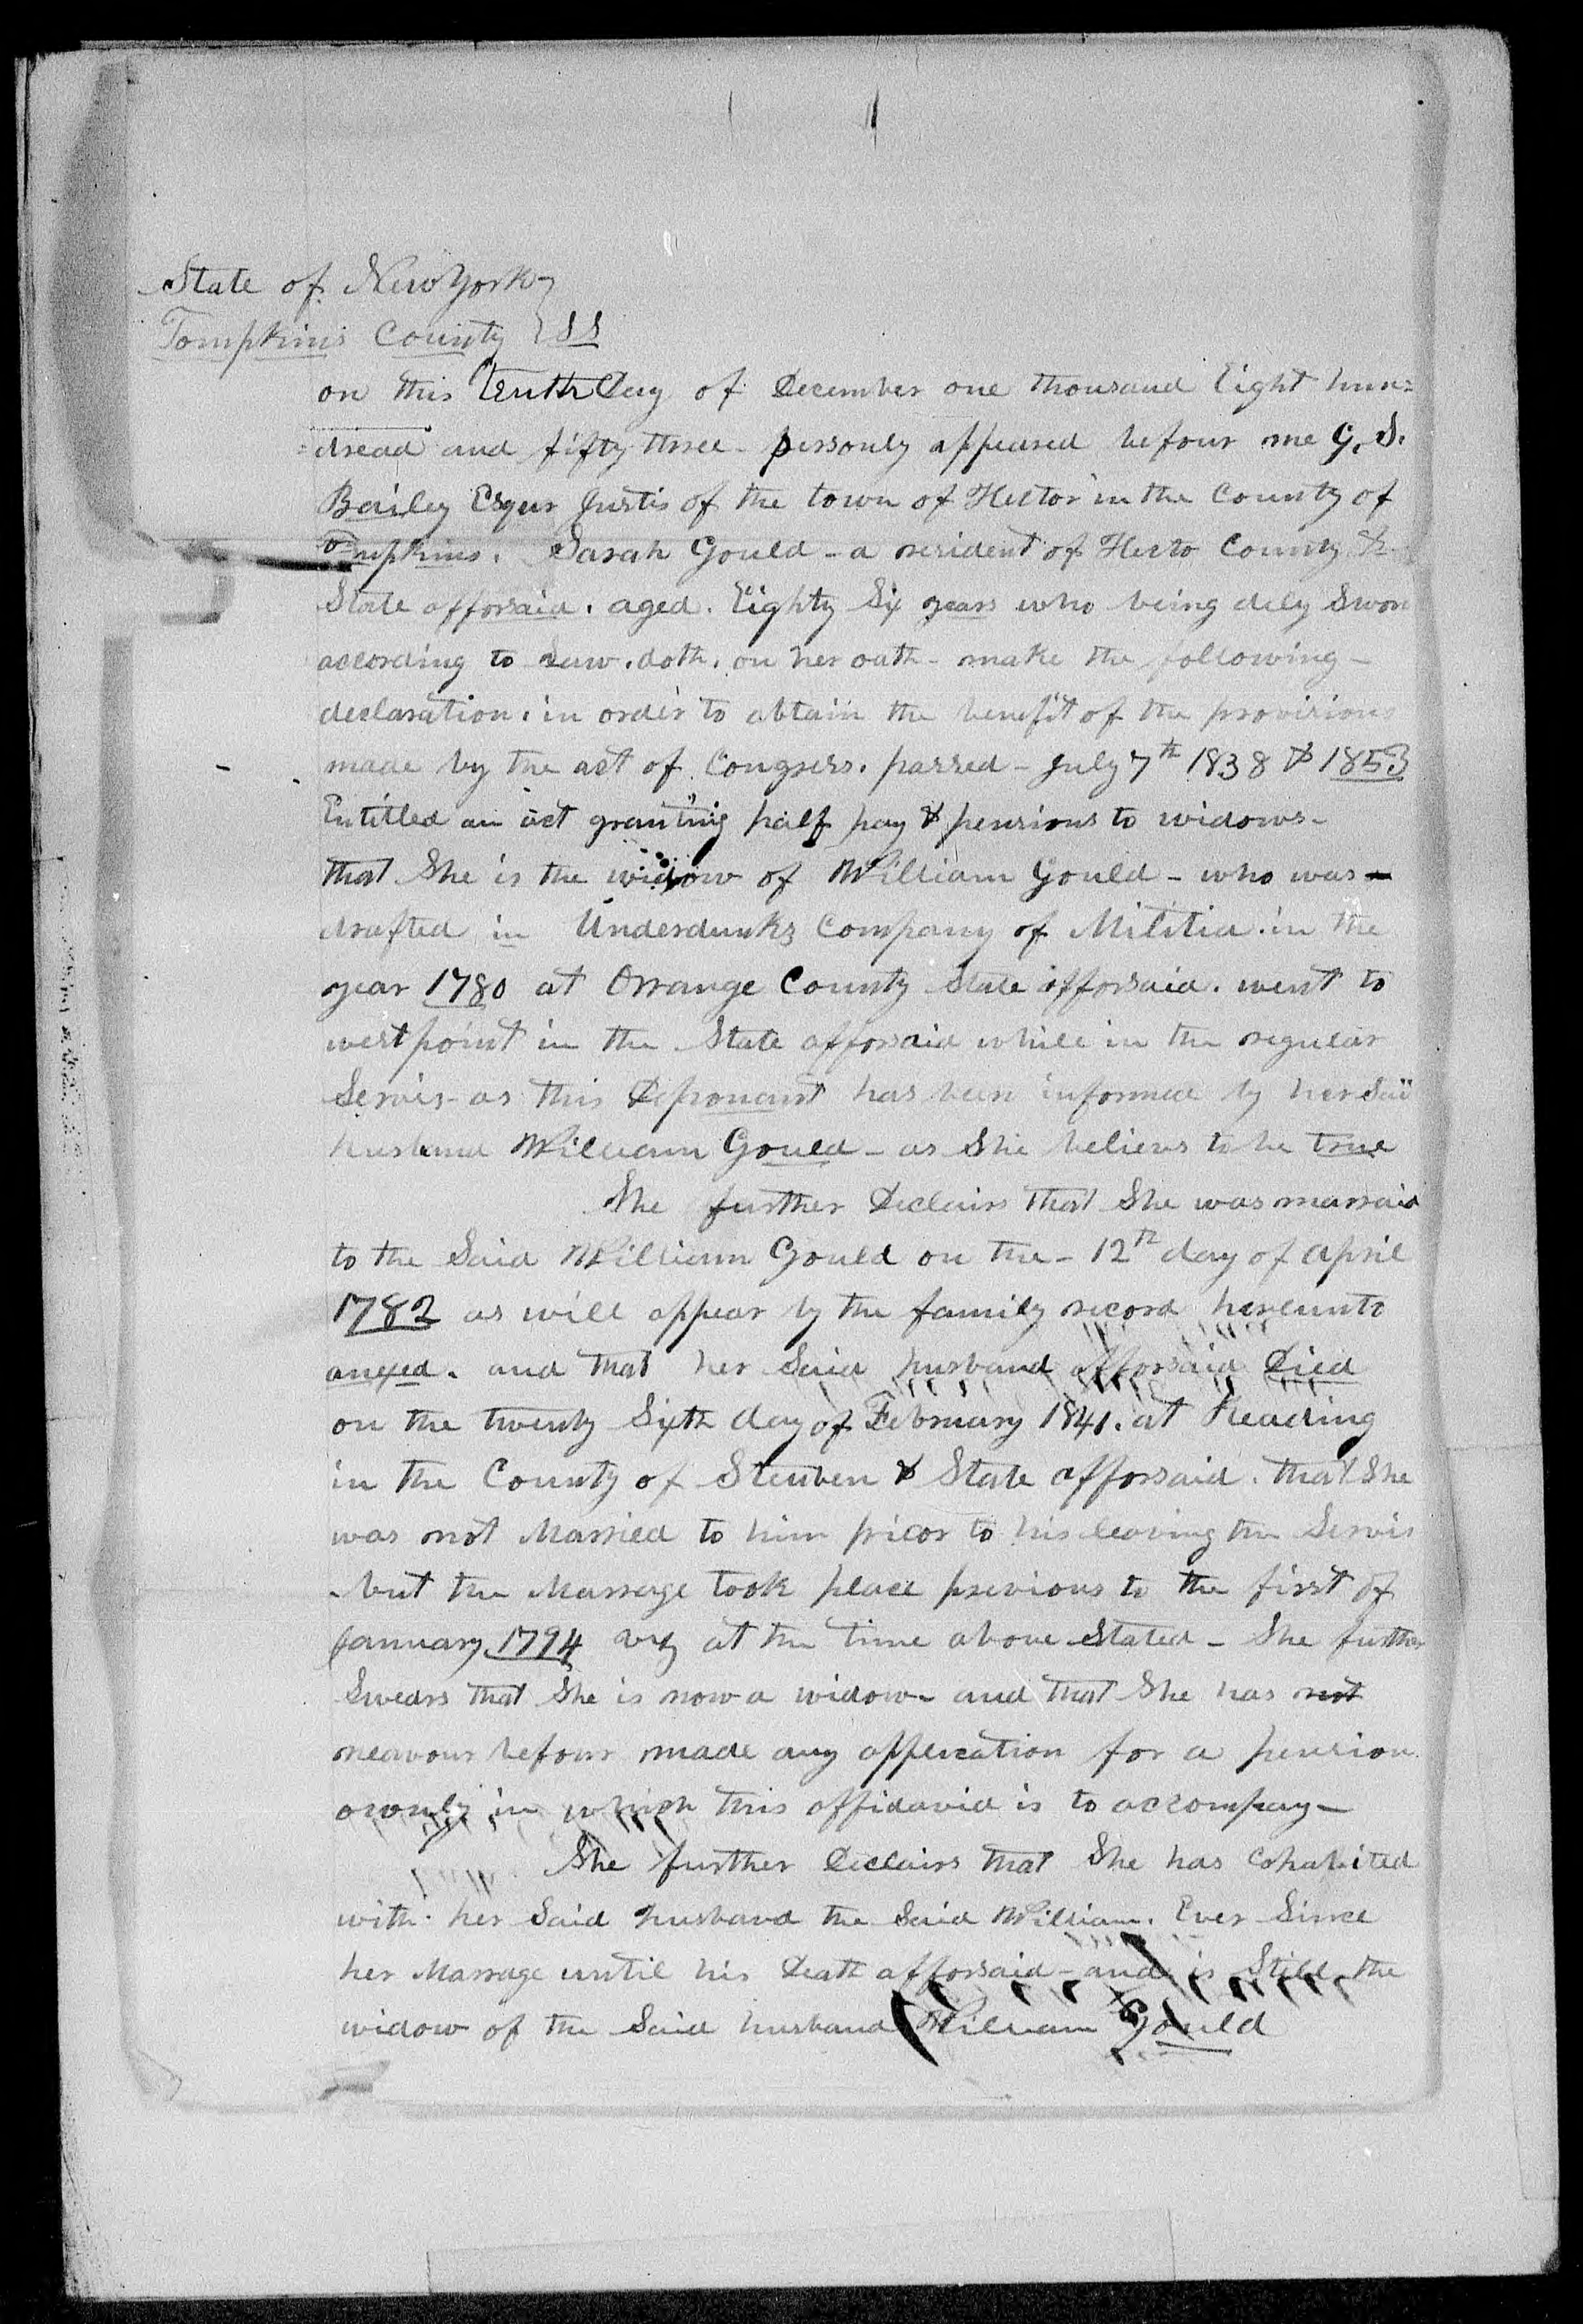State of New York
Tompkins County

on this tenth day of December one thousand eight hundred and fifty three- personally appeared before me G.G. Bailey Esquire Justic of the town of Hector in the County of Tompkins. Sarah Gould- a resident of [illegible] County & State aforesaid aged Eighty Six years who being duly sown according to law doth on her oath make the following- declaration in order to obtain the benefit of the provisions made by the act of Congress [illegible] July 7th 1838 to 1853 entitled an act granting half pay & pension to widows- that She is the widow of William Gould- who was drafted in Under[illegible] Company of Militia in the year 1780 at Orange County State aforesaid went to West Point in the State aforesaid while in the regular Service - as this Deponant has been informed by her Said husband William Gould- as she believes to be true

She further declares that She was married to the Said WIlliam Gould on the 12th day of April 1782 as will appear by the family record hereunto affixed and that her Said husband aforesaid died on the twenty Six day of February 1841 at Reading in the County of Steuben & State aforesaid that She was not married to him prior to his leaving in Service but the marriage took place previous to the first of January 1794 at the time above stated - She further Swears that She is now a widow- and that She has not previous before made any application for a pension [illegible] in which this affidavit is to accompany-

She further declares that She has cohabitated with her Said husband the Said William ever since her marriage until his death aforesaid and is Still the widow of the Said husband William Gould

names: William, Sarah Gould, G S Bailey, William Gould, William Gould, William Gould, William Gould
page: 9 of 20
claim: rejected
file: R. 4,161, William Gould, New York